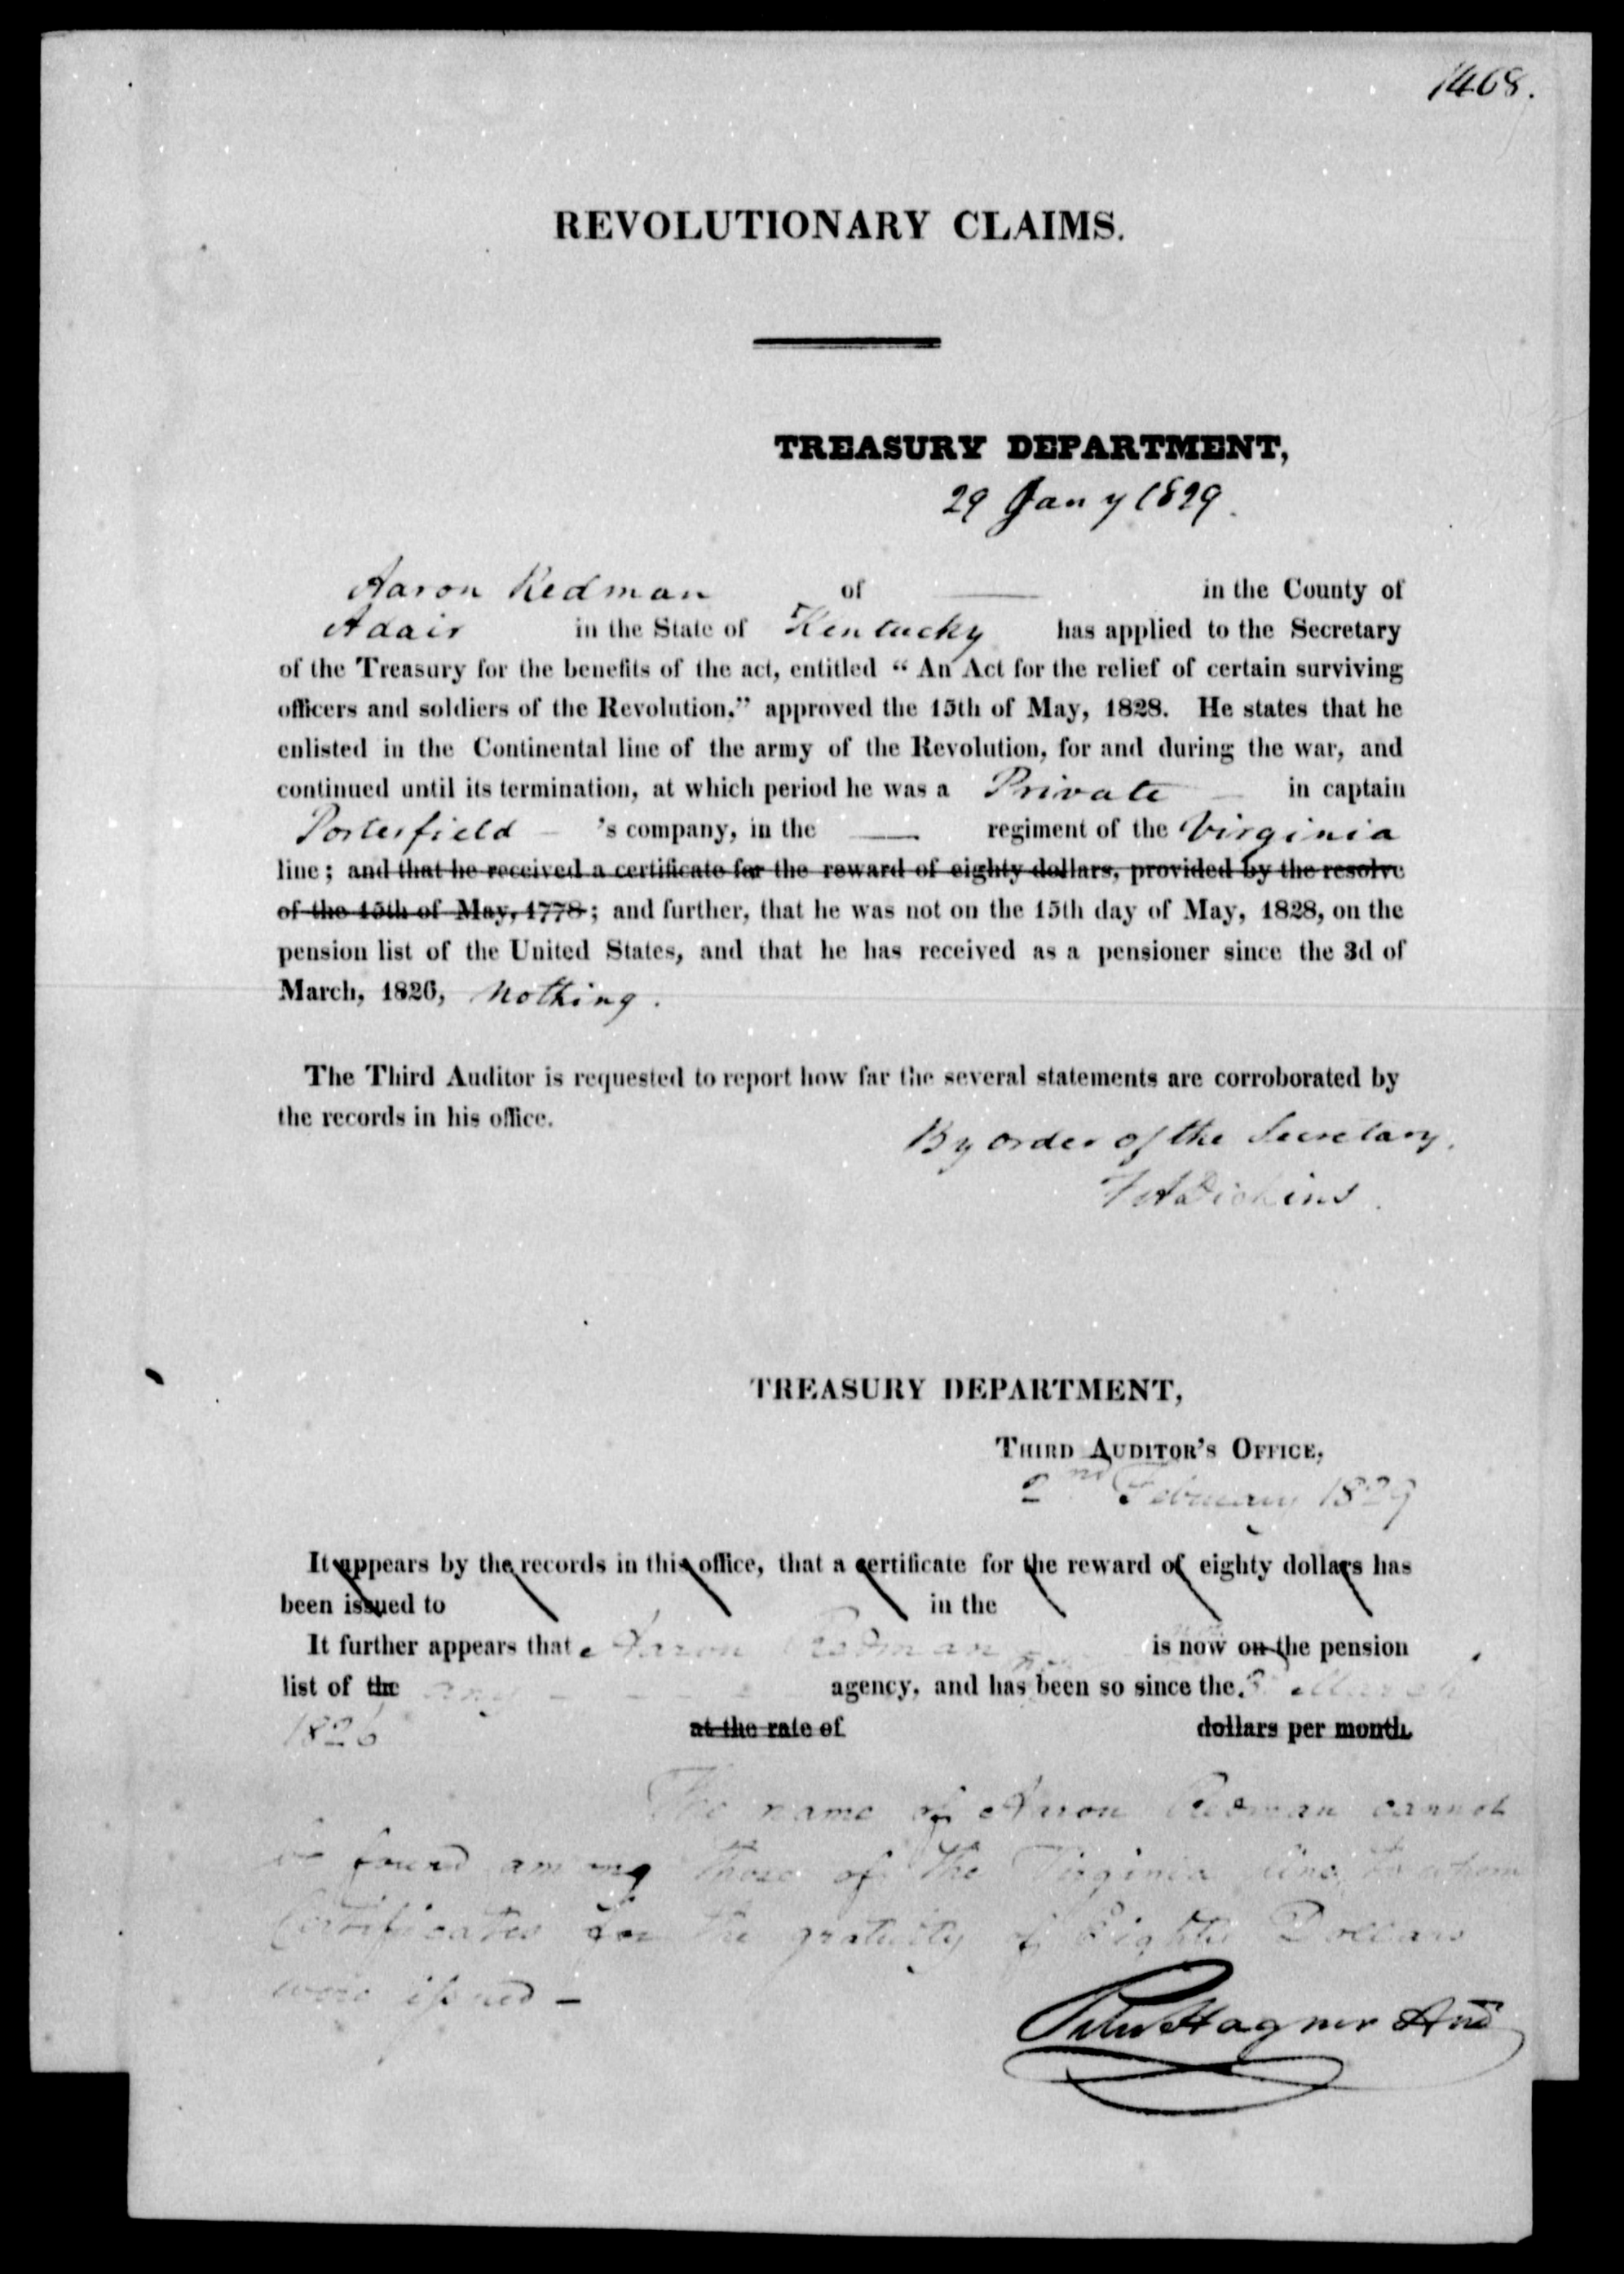Revolutionary Claims.

Treasury Department,
28 Jany 1829

Aaron Redman of    in the County of Adair in the State of Kentucky has applied to the Secretary of the Treasury for the benefits of the act, entitled "An Act for the relief of certain surviving officers and soldiers of the Revolution," approved the 15th of May, 1828.  He states that he enlisted in the Continental line of the army of the Revolution, for and during the war, and continued until its termination, at which period he was a Private in captain Porterfield's company, in the    regiment of the Virginia line;  and further, that he was not on the 15th day of May, 1828, on the pension list of the United States, and that he has received as a pensioner since the 3d of March, 1826, nothing.
The Third Auditor is request to report how far the several statements are corroborated by the records in his office.
By order of the Secretary
FA Dickins

Treasury Department,
Third Auditor's Office,
2nd February 1829

It further appears that Aaron Redman is not now on the pension list of any agency, and has not been so since the 3d March 1826
The name of Aaron Redman cannot be found among those of the Virginia line, to whom Certificates for the gratuity of Eighty Dollars were issued
Peter Hagner  Audr.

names: Peter Hagner; Aaron Redman; F A Dickins; Aaron Redman; Aaron Redman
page: 46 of 57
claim: widow's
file: W. 9,622, for Aaron Redman, Virginia